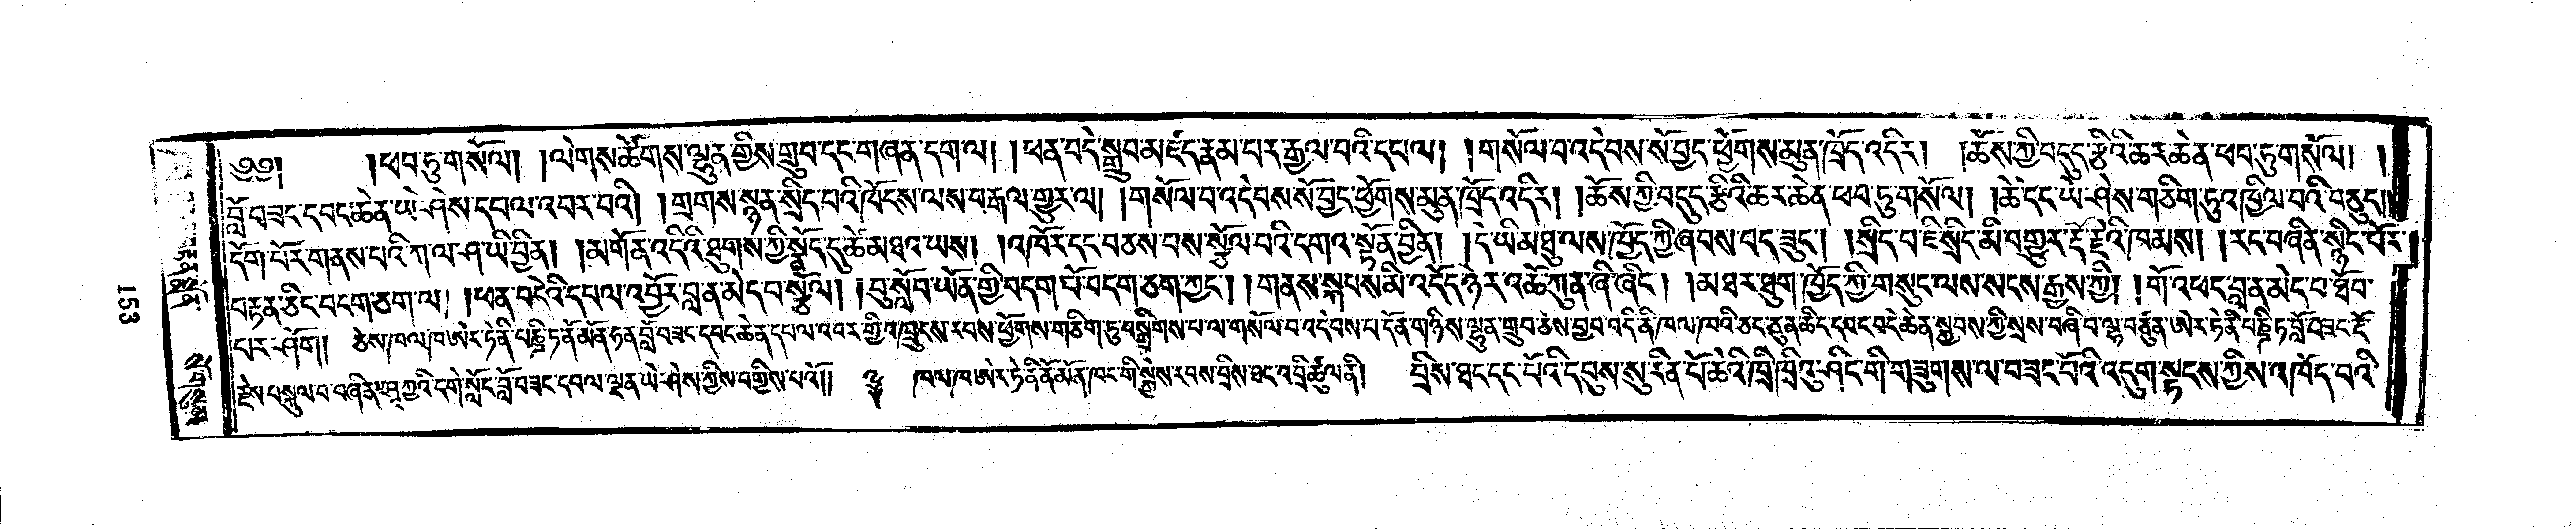༄༅། །ཕབ་ཏུ་གསོལ། །ལེགས་ཚོགས་ལྷུན་གྱིས་གྲུབ་དང་གཞན་དག་ལ། །ཕན་བདེ་སྒྲུབ་མཛད་རྣམ་པར་རྒྱལ་བའི་དཔལ། །གསོལ་བ་འདེབས་སོ་བྱང་ཕྱོགས་མུན་ཁྲོད་འདིར། །ཆོས་ཀྱི་བདུད་རྩིའི་ཆར་ཆེན་ཕབ་ཏུ་གསོལ། །
བློ་བཟང་དབང་ཆེན་ཡེ་ཤེས་དཔལ་འབར་བའི། །གྲགས་སྙན་སྲིད་པའི་ཁོངས་ལས་བརྒལ་གྱུར་ལ། །གསོལ་བ་འདེབས་སོ་བྱང་ཕྱོགས་མུན་ཁྲོད་འདིར། །ཆོས་ཀྱི་བདུད་རྩིའི་ཆར་ཆེན་ཕབ་ཏུ་གསོལ། །ཚེ་དང་ཡེ་ཤེས་གཅིག་ཏུ་འཁྱིལ་བའི་བཅུད།
དོག་པོར་གནས་པའི་ཀ་ལ་ཤ་ཡི་བྱིན། །མགོན་འདིའི་ཐུགས་ཀྱི་སྣོད་དུ་ཚེ་མཐའ་ཡས། །འཁོར་དང་བཅས་པས་སྩོལ་བའི་དགའ་སྟོན་བྱིན། །དེ་ཡི་མཐུ་ལས་ཁྱོད་ཀྱི་ཞབས་བད་ཟུང་། །སྲིད་བ་ཇི་སྲིད་མི་བ་གྱུར་རྡོ་རྗེའི་ཁམས། །རང་བཞིན་སྙིང་པོར་བརྟན་ཅིང་བདག་ཅག་ལ། །ཕན་བདེའི་དཔལ་འབྱོར་བླ་ན་མེད་པ་སྩོལ། །བུ་སློབ་ཡོན་གྱི་བདག་པོ་བདག་ཅག་ཀྱང་། །གནས་སྐབས་མི་འདོད་ཉེར་འཆོ་ཀུན་ཞི་ཞིང་། །མཐར་ཐུག་ཁྱོད་ཀྱི་གསུང་ལས་སངས་རྒྱས་ཀྱི། །གོ་འཕང་བླ་ན་མེད་པ་ཐོབ་
བར་ཤོག། ཅེས་ཁལ་ཁ་ཨེར་ཏེ་ནི་པཎྜི་ཏ་ནོ་མོན་ཧན་བློ་བཟང་དབང་ཆེན་དཔལ་འབར་གྱི་འཁྲུངས་རབས་ཕྱོགས་གཅིག་ཏུ་བསྒྲིགས་པ་ལ་གསོལ་བ་འདེབས་པ་དོན་གཉིས་ལྷུན་གྲུབ་ཅེས་བྱ་བ་འདི་ནི་ཁལ་ཁའི་ཅང་ཅུན་ཆིང་དབང་བདེ་ཆེན་སྐྱབས་ཀྱི་སྲས་བཞི་བ་ལྷ་བཙུན་ཨེར་ཏེ་ནི་པཎྜི་ཏ་བློ་བཟང་རྡོ་
རྗེས་བསྐུལ་བ་བཞིན་༧་ཤཱཀྱའི་དགེ་སློང་བློ་བཟང་དཔལ་ལྡན་ཡེ་ཤེས་ཀྱིས་བགྱིས་པའོ།། ༈ ཁལ་ཁ་ཨེར་ཏེ་ནི་མོ་མོན་ཁང་གི་སྐྱེས་རབས་བྲིས་ཐང་འབྲི་ཚུལ་ནི། བྲིས་ཐང་དང་པོའི་དབུས་སུ་རིན་པོ་ཆེའི་ཁྲི་ཁྲིའུ་ཤིང་གི་གཟུགས་ལ་བཟང་པོའི་འདུག་སྟངས་ཀྱིས་འཁོད་པའི་